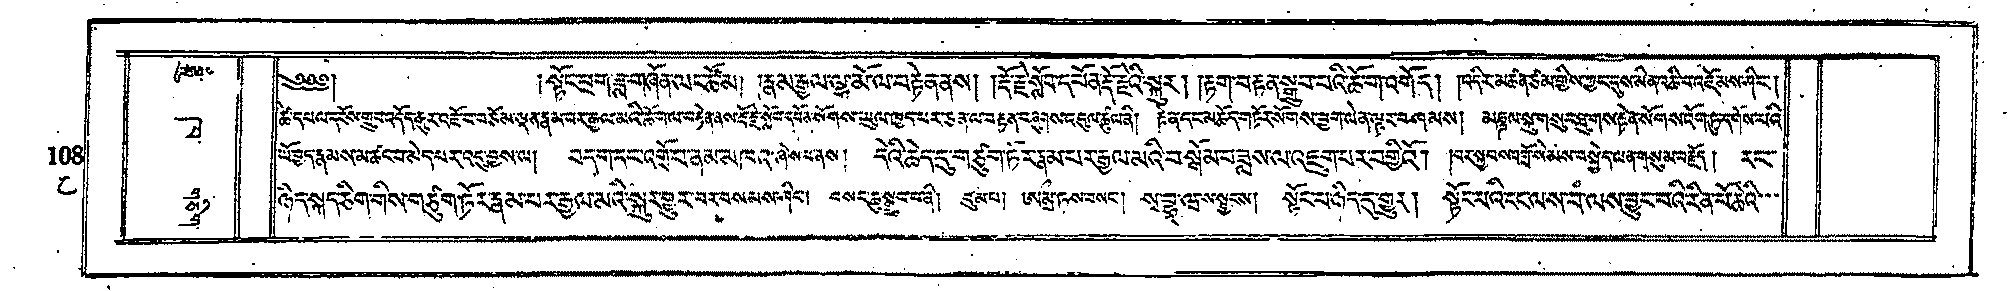༄༅༅། །སྟོང་ཕྲག་ཟླ་གཞོན་ལང་ཚོ་མ། །རྣམ་རྒྱལ་ལྷ་མོ་ལ་བརྟེན་ནས། །རྡོ་རྗེ་སློབ་དཔོན་རྡོ་རྗེའི་སྐུར། །རྟག་བརྟན་སྒྲུབ་པའི་ཆོ་ག་འགོད། །འདིར་མཚན་ཙམ་གྱིས་ཀྱང་དུས་མིན་འཆི་བ་འཇོམས་ཤིང་།
ཚེ་དཔལ་དངོས་གྲུབ་འདོད་རྒྱུར་འཇོ་བ་བཅོམ་ལྡན་རྣམ་པར་རྒྱལ་མའི་ཆོ་ག་ལ་བརྟེན་ནས་རྡོ་རྗེ་སློབ་དཔོན་སོགས་ཡུལ་ཁྱད་པར་ཅན་ལ་བརྟན་བཞུགས་འབྲུལ་ཚུལ་ནི། རྟེན་དང་མཆོད་གཏོར་སོགས་ཕྱག་ལེན་ལྟར་བཤམས། མཎྜལ་སྐུ་གསུང་ཐུགས་རྟེན་སོགས་འོག་ཏུ་དགོས་པའི་
ཡོ་བྱད་རྣམས་མ་ཚང་བ་མེད་པར་འདུ་བྱས་ལ། བདག་དང་འགྲོ་བ་ནམ་མཁའ་ཞེས་པ་ནས།  དེའི་ཆེད་དུ་གཙུག་ཏོར་རྣམ་པར་རྒྱལ་མའི་བསྒོམ་བཟླས་ལ་འཇུག་པར་བགྱིའོ། །བར་སྐྱབས་འགྲོ་སེམས་བསྐྱེད་ལན་གསུམ་བརྗོད།  རང་་་
ཉིད་སྐད་ཅིག་གིས་གཙུག་ཏོར་རྣམ་པར་རྒྱལ་མའི་སྐུར་གྱུར་པར་བསམས་ཤིང་། བསང་ཆུ་སྒྲུབ་པ་ནི། བུམ་པ།  ཨ་མྲྀ་ཏས་བསང་། སྭ་བྷཱ་ཝ་ས་སྦྱངས། སྟོང་པ་ཉིད་དུ་གྱུར། སྟོང་པའི་ངང་ལས་བཾ་ལས་བྱུང་བའི་རིན་པོ་ཆེའི་་་